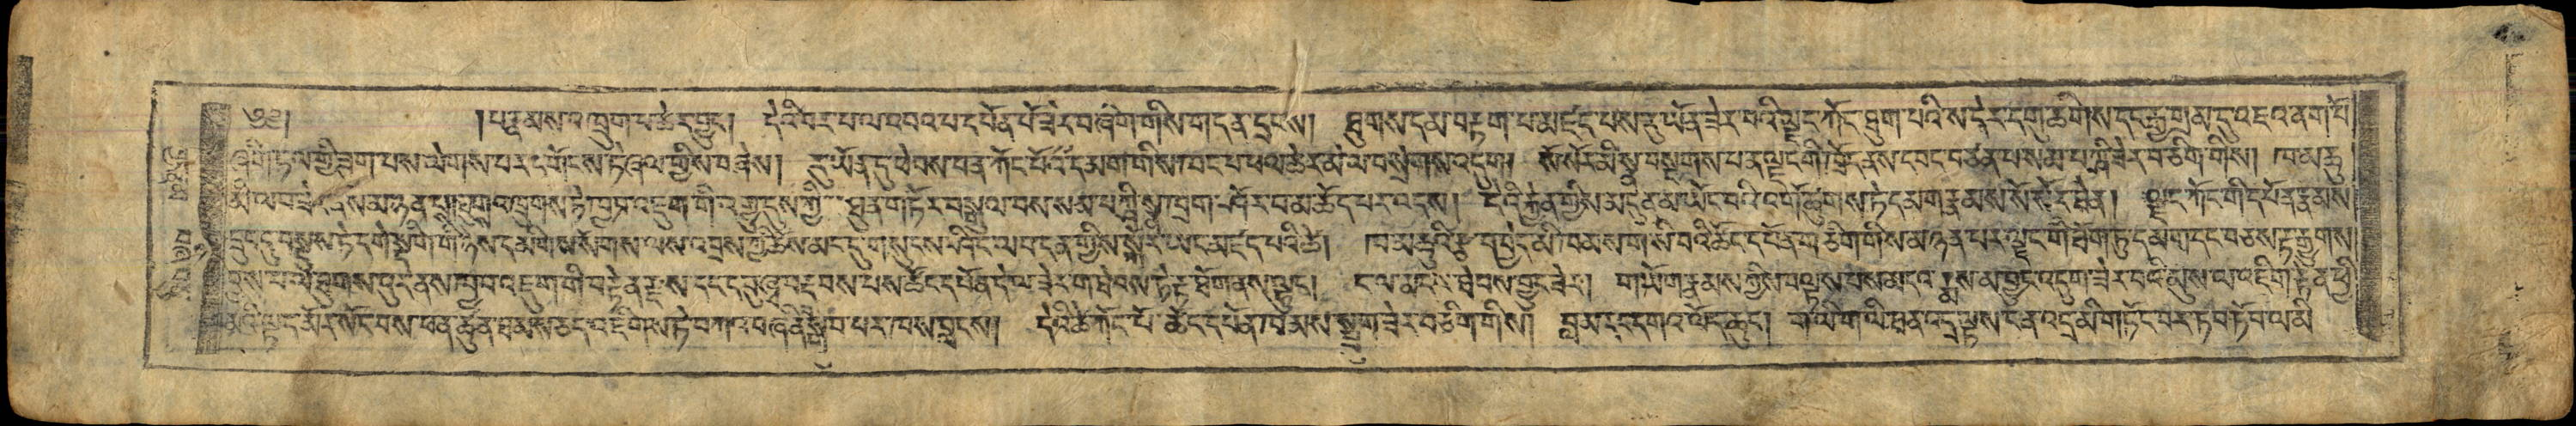༄༅། །པ་རྣམས་འཁྲུག་པ་ཆེར་བྱུང་། དེའི་བར་པ་ལ་འབའ་པ་དཔོན་པོ་ཟེར་བ་ཞིག་གིས་གདན་དྲངས། ཐུགས་དམ་བརྟག་པ་མཛད་པས་རུ་ཡོན་ཟེར་བའི་ལྗང་ཀོང་ཐུག་པའི་ས་དེར་དགུ་ཆ་གིས་དང་རྒྱ་གྲམ་དུ་འཇའ་ནག་པོ་
ཞིག་ཏལ་གྱི་ཟུག་པས་ལེགས་པར་དགོངས་ཏེ་ཞལ་གྱིས་བཞེས། རུ་ཡོན་དུ་ཕེབས་པ་ན་ཀོང་པོའི་དམག་གིས་ཁང་པ་ཕལ་ཆེར་མེ་ལ་བསྲེགས་འདུག། སོ་སོར་མི་སྣ་བསྔགས་པ་ན་ལྗང་གི་ཁྲོད་ནས་དབང་བཙན་པ་སམ་པ་ཀྴི་ཟེར་བ་ཅིག་གིས། ཁ་མཆུ་
མི་ལ་བཟེར་ནས་མཉན་པས། ཐུགས་འཁྲུགས་ཏེ་ཁྱབ་འཇུག་གི་འགྱུར་དུས་ཀྱི་ཐུན་གཏོར་བསྒུལ་བས་སམ་པ་ཀྴི་སྣ་ཁྲག་ཤོར་བ་མཆོད་པར་འདས། དེའི་རྐྱེན་གྱིས་མདུན་མ་ཡོང་བའི་འགོ་ཚུགས་ཏེ་དམག་རྣམས་སོ་སོར་ཐེན། ལྗང་ཀོང་གི་དཔོན་རྣམས་
དྲུང་དུ་བསྡུས་ཏེ་དགེ་སྡིག་གི་?་ཉེས་དམིགས་སོགས་ལས་འབྲས་ཀྱི་ཆོས་མང་དུ་གསུངས་ཤིང་ལབ་དན་གྱིས་སྐོར་ཡང་མཇད་པའི་ཆེ། ཁ་མཆུའི་རྩ་བ་བྱེད་མི་ཁམས་ག་སི་བའི་ཚོང་དཔོན་གཅིག་གིས་མཉན་པར་ལྡང་གི་ཐོག་ཏུ་དམག་དང་བཅས་རྟ་རྒྱུགས་
བྱས་པ་ལ་ཐུགས་འུར་ནས་ཁྱབ་འཇུག་གི་བརྟེན་རྫས་དང་དབུ་ཞྭ་བརྡབས་པས་ཚོང་དཔོན་དེ་ལ་ཟེར་བ༑ ཐེབས་ཏེ་རྟ་ཐོག་ནས་ལྷུང་། ང་ལ་མངའ་ཐེབས་བྱུང་ཟེར། གཡོག་རྣམས་ཀྱིས་བལྟས་པས་མདའ་རྨས་མ་བྱུང་འདུག་ཟར་བའི་མུས་ལ་འཇིག་རྟེན་ཕྱི་
མའི་ལྟ་དམོར་སོང་བས་ཕན་ཚུན་ཐམས་ཅད་འཇིགས་ཏེ་བཀའ་བཞིན་བསྒྲུབ་པར་ཁས་བླངས། དེའི་ཚེ་ཀོང་པོ་ཚོད་དཔོན་ཁམས་སྤྲུག་ཟེར་བཅིག་གིས། བླ་མ་རང་དགའ་ལོད་ཆུང་། ག་ལི་ག་ལི་ཐན་འདྲ་ལྟས་ངན་འདྲ་མི་གཏོང་བར་ཏབ་ཏོབ་ལ་མི་